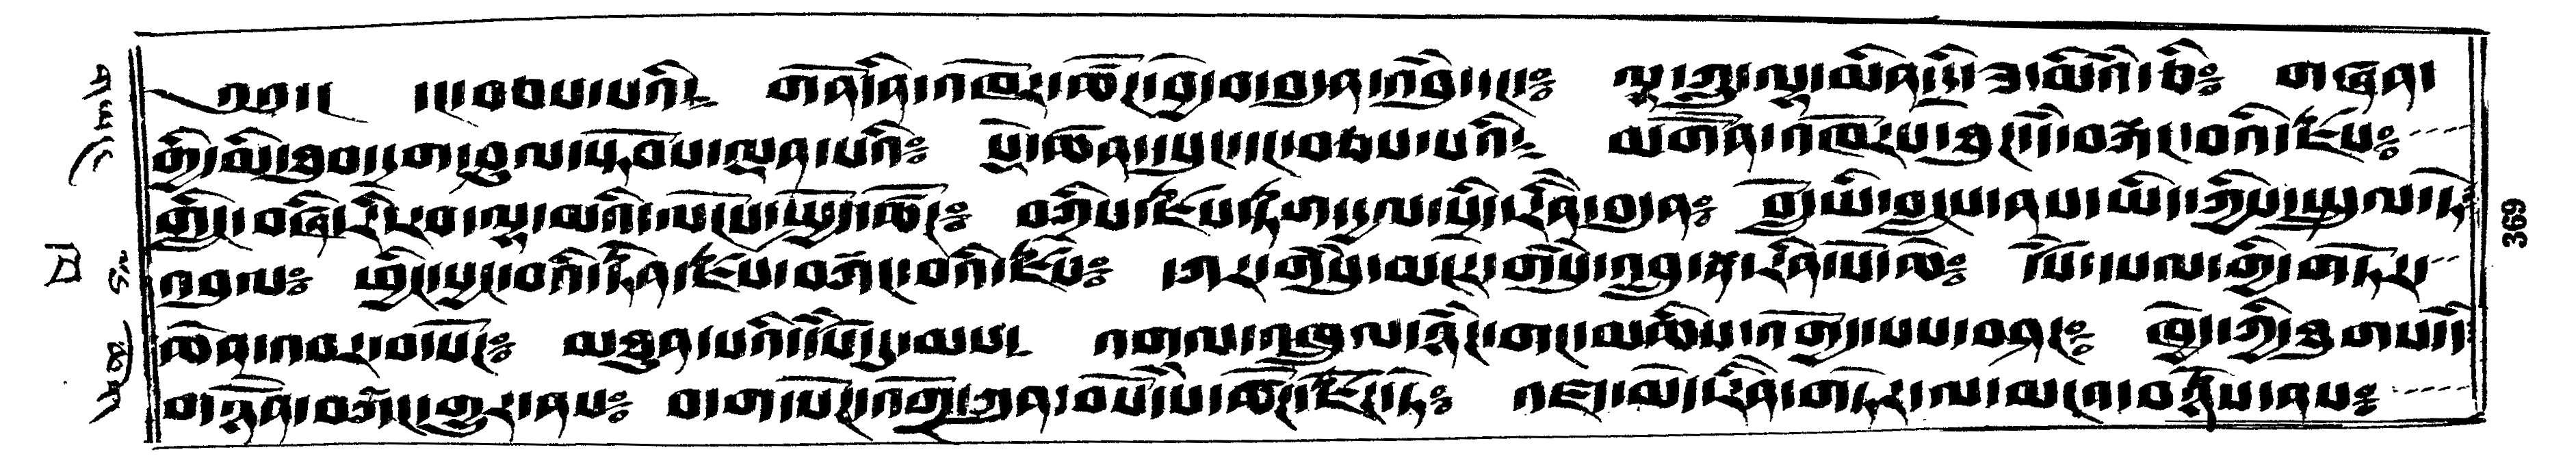དང་བཅས་པའི༴ གནོད་སྦྱིན་འཁོར་ཚོགས་བྱེ་བ་བདུན་འབུམ་དང༔ ལྷ་ཀླུ་ལྷ་མིན་དྲི་ཟ་མོའམ་ཅི༔ གཞན་
གྱི་མི་ཐུབ་དྲག་ཤུལ་སྟོབས་ལྡན་པའི༔ སྡེ་ཚན་དཔུང་དང་བཅས་པའི༴ མགོན་པོ་འཁོར་བཅས་ཐུགས་དམ་བསྐང་བའི་རྫས༔ 
གླིང་བཞི་རི་རབ་ལྷ་མིའི་ལོངས་སྤྱོད་ཚོགས༔ བཀྲ་ཤིས་རྫས་རྟགས་རྒྱལ་སྲིད་རིན་ཆེན་བདུན༔ བློ་ཡིས་བླངས་ནས་ཡིད་ཀྱིས་སྤྲུལ་ཏེ་
འབུལ༔ ཕྱི་ནང་གསང་བའི་རྟེན་རྫས་བསྐང་བའི་རྫས༔ དཀར་གསུམ་མངར་གསུམ་འབྲུ་སྣ་རིན་པོ་ཆེ༔ དམ་རྫས་དཔལ་གྱི་གཏོར་
ཆེན་འབར་བ་སོགས༔ མཐུན་པའི་དམ་རྫས་དུ་མས༴ འགལ་འཁྲུལ་ཉམ་ཆག་གང་མཆིས་འགྱོད་པས་བཤགས༔ ཁྱེད་ཀྱི་ཐུགས་དམ་
གཉེན་པོ་བསྐང་གྱུར་ནས༔ བདག་སོགས་འགྲོ་ཀུན་བསོད་ནམས་ཚོགས་རྫོགས་ཏེ༔ འཛད་མེད་རིན་ཆེན་གཏེར་ལ་མངའ་བརྙེས་ནས༔